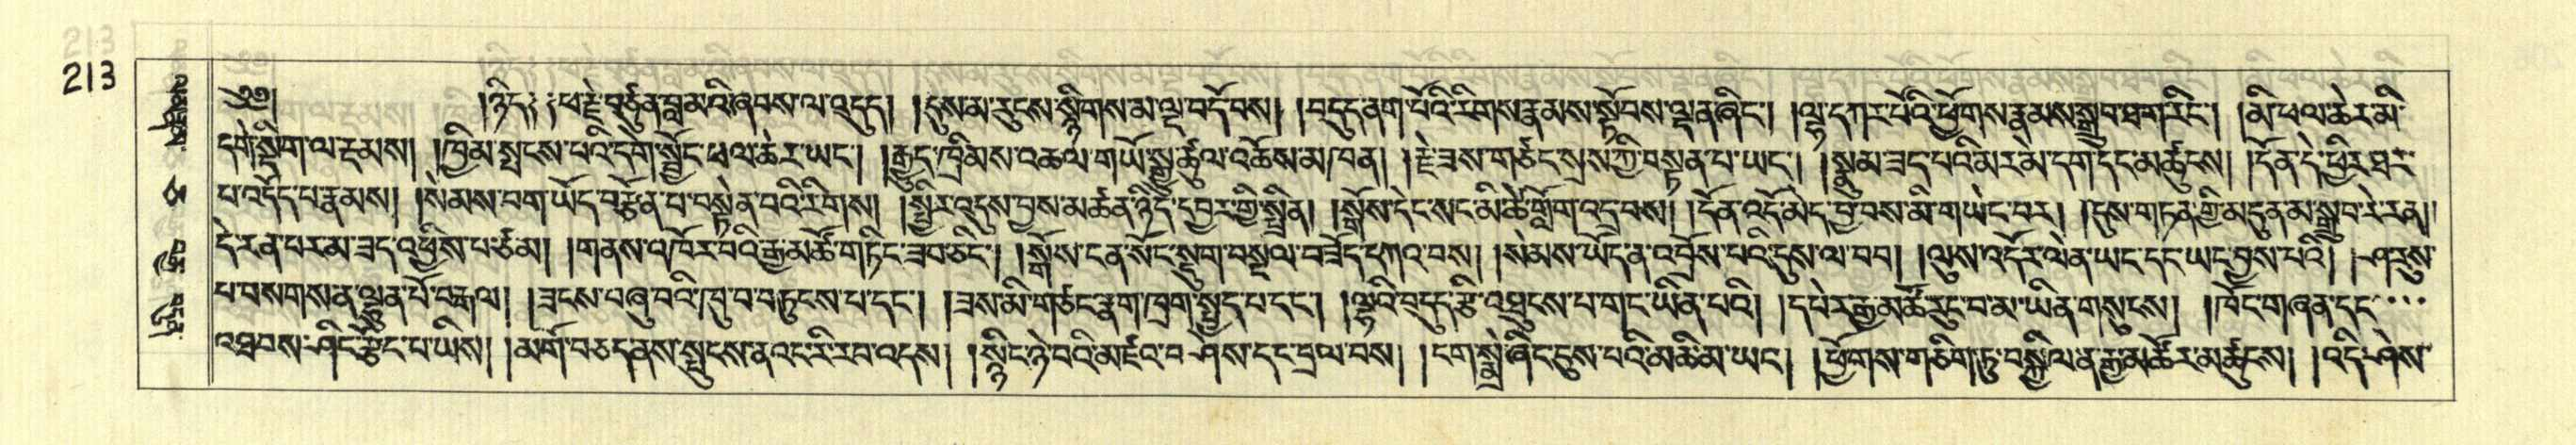༄༅། །ཉིད༑ ༑ཕ་རྗེ་བཙུན་བླ་མའི་ཞབས་ལ་འདུད། །དུས་མ་རུངས་སྙིགས་མ་ལྔ་བདོ་བས། །བདུད་ནག་པོའི་རིགས་རྣམས་སྟོབས་ལྡན་ཞིང་། །ལྷ་དཀར་པོའི་ཕྱོགས་རྣམས་སྒྲུབ་ཐག་རིང་། །མི་ཕལ་ཆེར་མི་
དགེ་སྡིག་ལ་རྔམས། །ཁྱིམ་སྤངས་པའི་དགེ་སྦྱོང་ཕལ་ཆེར་ཡང་། །རྒྱུད་ཁྲིམས་འཆལ་གཡོ་སྒྱུ་ཚུལ་འཆོས་མཁན། །རྗེ་ཟས་གཙང་སྲས་ཀྱི་བསྟན་པ་ཡང་། །སྣུམ་ཟད་པའི་མར་མེ་དག་དང་མཚུངས། །དོན་དེ་ཕྱིར་ཐར་
པ་འདོད་པ་རྣམས། །སེམས་བག་ཡོད་བརྩོན་པ་བསྟེན་པའི་རིགས། །སྤྱིར་འདུས་བྱས་མཚན་ཉིད་དབྱར་གྱི་སྤྲིན། །སོགས་དེང་སང་མི་ཚེ་གློག་འདྲ་བས། །དོན་འདོ་མེད་བྱ་བས་མི་གཡེང་བར། །དུས་གཏན་གྱི་མདུན་མ་སྒྲུབ་རེ་རན། །
དེ་རན་པར་མ་ཟད་འཕྱིས་པ་ཙམ། །གནས་འཁོར་བའི་རྒྱ་མཚོ་གཏིང་ཟབ་ཅིང་། །སྒོས་ངན་སོང་སྡུག་བསྔལ་བཟོད་དཀའ་བས། །སེམས་ཡོད་ན་འབྲོས་པའི་དུས་ལ་བབ། །ལུས་འདོར་ལེན་ཡང་དང་ཡང་བྱས་པའི། །ཤ་རུས་
པ་བསགས་ན་ལྷུན་པོ་བརྒལ། །ཟངས་བཞུ་བའི་ཁུ་བ་བཏུངས་པ་དང་། །ཟས་མི་གཙང་རང་ཁྲག་སྤྱད་པ་དང་། །ལྷའི་བདུད་རྩི་འཐུངས་པ་གང་ཡིན་པའི། །དཔེར་རྒྱ་མཚོ་རུང་བ་མ་ཡིན་གསུངས། །ཁོང་གཞན་དང་
འཐབས་ཤིང་རྩོང་པ་ཡིས། །མགོ་བཅད་ནས་སྤུངས་ནའང་རི་རབ་འདས། །སྙིང་ཉེ་བའི་མཛའ་བཤེས་དང་བྲལ་བས། །ངག་སྨྲེ་ཞིང་དུས་པའི་མཆི་མ་ཡང་། །ཕྱོགས་གཅིག་ཏུ་བསྐྱིལ་ན་རྒྱ་མཚོར་མཚུངས། །འདི་ཤེས་